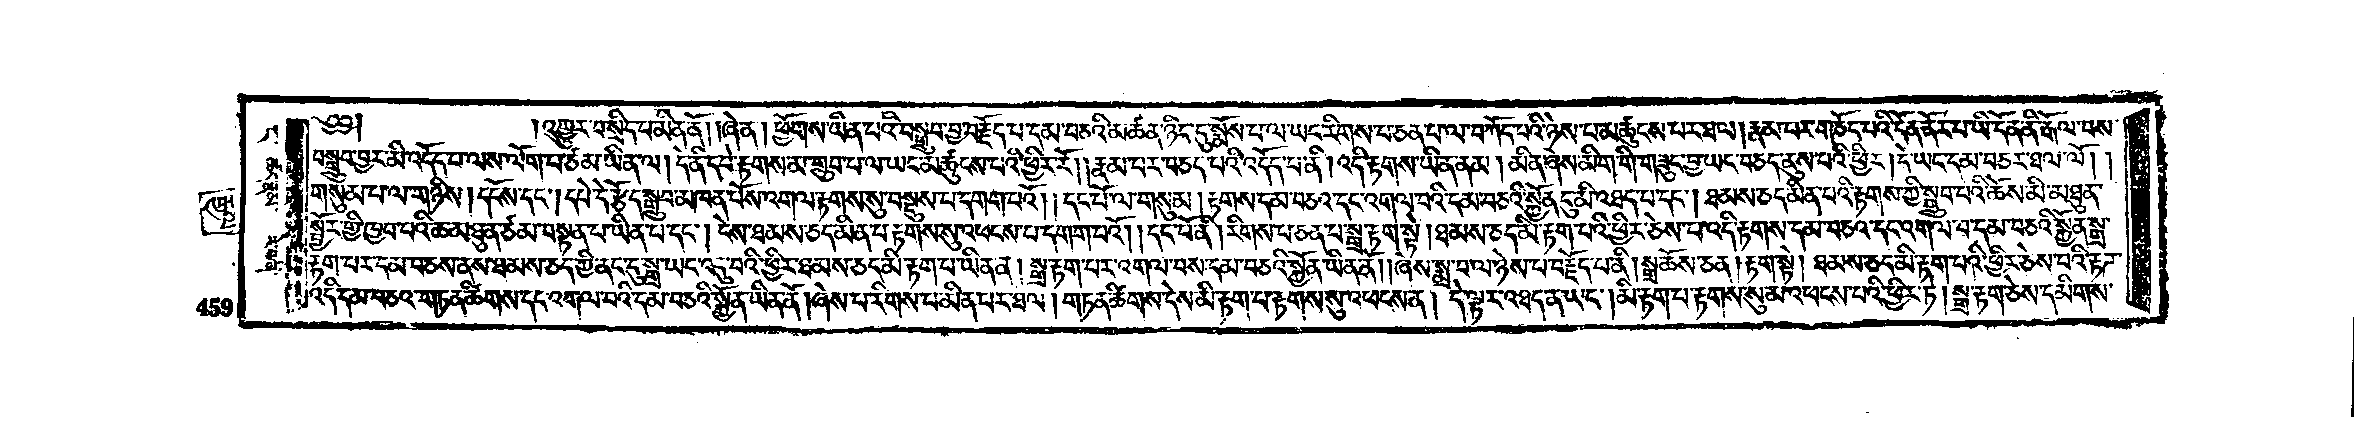༄༅། །འགྱུར་བ་སྲིད་པ་མིན་ནོ། །ཞེ་ན། ཕྱོགས་ཡིན་པའི་བསྒྲུབ་བྱ་བརྗོད་པ་དམ་བཅའི་མཚན་ཉིད་དུ་སྨོས་པ་ལ་ཡང་རིགས་པ་ཅན་པ་ལ་བཀོད་པའི་ཉེས་པ་མཚུངས་པར་ཐལ། རྣམ་པར་གཅོད་པའི་དོན་ནོར་པ་ཡི་དོན་ནི་རྒོལ་བས་
བསྒྲུབ་བྱར་མི་འདོད་པ་ལས་ལོག་པ་ཙམ་ཡིན་ལ། དེ་ནི་དཔེ་རྟགས་མ་གྲུབ་པ་ལ་ཡང་མཚུངས་པའི་ཕྱིར་རོ། །རྣམ་པར་བཅད་པའི་འདོད་པ་ནི། འདི་རྟགས་ཡིན་ནམ། མིན་ཞེས་མིག་གི་གཟུང་བྱ་ཡང་བཅད་ནུས་པའི་ཕྱིར། དེ་ཡང་དམ་བཅར་ཐལ་ལོ། །
གསུམ་པ་ལ་གཉིས། དངོས་དང་། དཔེ་དེ་རྩོད་སྒྲུབ་མཁན་པོས་འགལ་རྟགས་སུ་བསྡུས་པ་དགག་པའོ། །དང་པོ་ལ་གསུམ། རྟགས་དམ་བཅའ་དང་འགལ་བའི་དམ་བཅའི་སྐྱོན་དུ་མི་འཐད་པ་དང་། ཐམས་ཅད་མིན་པའི་རྟགས་ཀྱི་སྒྲུབ་པའི་ཆོས་མི་མཐུན་
སྦྱོར་གྱི་ཁྱབ་པའི་ཆ་མཐུན་ཙམ་བསྟན་པ་ཡིན་པ་དང་། ངེས་ཐམས་ཅད་མིན་པ་རྟགས་སུ་འཕངས་པ་དགག་པའོ། །དང་པོ་ནི། རིགས་པ་ཅན་པ་སྒྲ་རྟག་སྟེ། ཐམས་ཅད་མི་རྟག་པའི་ཕྱིར་ཅེས་པ་འདི་རྟགས་དམ་བཅའ་དང་འགལ་བ་དམ་བཅའི་སྐྱོན་སྒྲ་
རྟག་པར་དམ་བཅས་ནས་ཐམས་ཅད་ཀྱི་ནང་འདུ་སྒྲ་ཡང་འདུ་བའི་ཕྱིར་ཐམས་ཅད་མི་རྟག་པ་ཡིན་ན། སྒྲ་རྟག་པར་འགལ་བས་དམ་བཅའི་སྐྱོན་ཡིན་ནོ། །ཞེས་སྨྲ་བ་ལ་ཉེས་པ་བརྗོད་པ་ནི། སྒྲ་ཆོས་ཅན། རྟག་སྟེ། ཐམས་ཅད་མི་རྟག་པའི་ཕྱིར་ཅེས་པའི་རྟགས་
འདི་དམ་བཅའ་གཏན་ཚིགས་དང་འགལ་བའི་དམ་བཅའི་སྐྱོན་ཡིན་ནོ། །ཞེས་པ་རིགས་པ་མིན་པར་ཐལ། གཏན་ཚིགས་དེས་མི་རྟག་པ་རྟགས་སུ་འཕངས་ན། དེ་ལྟར་འཐད་ན་ཡང་། མི་རྟག་པ་རྟགས་སུ་མ་འཕངས་པའི་ཕྱིར་ཏེ། སྒྲ་རྟག་ཅེས་དམིགས་